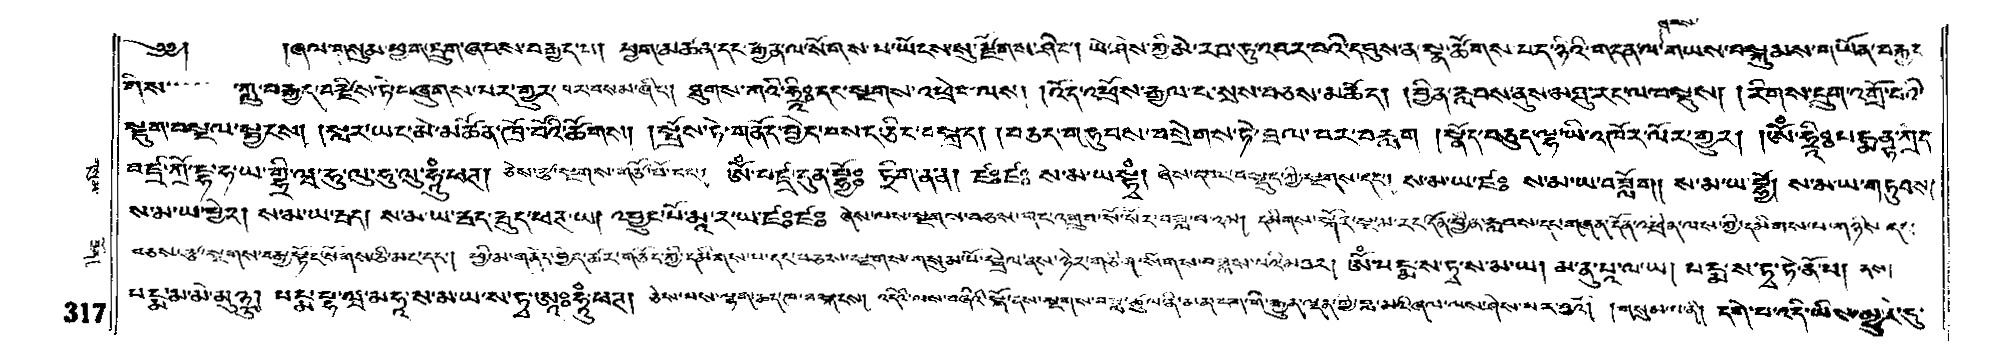༄༅། །ཞལ་གསུམ་ཕྱག་དྲུག་ཞབས་བརྒྱད་པ། ཕྱག་མཚན་དང་རྒྱན་ལ་སོགས་པ་ཡོངས་སུ་རྫོགས་ཤིང་། ཡེ་ཤེས་ཀྱི་མེ་རབ་ཏུ་འབར་བའི་དབུས་ན་སྣ་ཚོགས་པད་ཉིའི་གདན་ལ་ཞབས་གཡས་བསྐུམས་གཡོན་བརྐྱང་
གིས་ཀླུ་བརྒྱད་བརྫིས་ཏེ་བཞུགས་པར་གྱུར་པར་བསམ་ཞིང་།  ཐུགས་ཀའི་ཧྲཱིཿ དང་སྔགས་འཕྲེང་ལས། །འོད་འཕྲོས་རྒྱལ་བ་སྲས་བཅས་མཆོད། །བྱིན་རླབས་ནུས་མཐུ་རང་ལ་བསྡུས། །རིགས་དྲུག་འགྲོ་བའི་
སྡུག་བསྔལ་སྦྱངས། །སླར་ཡང་མེ་མཚོན་ཁྲོ་བོའི་ཚོགས། །སྤྲོས་ཏེ་གནོད་བྱེད་བསད་ཅིང་བསྐྲད། །བཅད་གཏུབས་བསྲེགས་ཏེ་ཐལ་བར་བརླག །སྣོད་བཅུད་ལྷ་ཡི་འཁོར་ལོར་གྱུར། །ཨོཾ་ཧྲཱིཿ པདམ་ནྟ་ཀྲིད་
བཛྲ་ཀྲོ་དྷ་ཧ་ཡ་གྷྲི་ཝ་ཧུ་ལུ་ཧུ་ལུ་ཧཱུཾ་ཕཊ། ཅེས་རྩ་སྔགས་གཙོ་བོ་དང་།  ཨོཾ་བཛྲ་དུན་བྷྱོཿ ཏྲིག་ན་ན། ཛཿ ཛཿ ས་མ་ཡསྟྭཾ། ཞེས་དབང་བསྡུད་ཀྱི་སྔགས་དང་།  ས་མ་ཡ་ཛཿ ས་མ་ཡ་བཟློག། ས་མ་ཡ་བྷྱོ། ས་མ་ཡ་གཏུབས།
ས་མ་ཡ་བྱེར། ས་མ་ཡ་རྦད། ས་མ་ཡ་རྦད་རྦུད་ཕཊ་ཡ། འབྱུང་པོ་མཱ་ར་ཡ་ཛཿ ཛཿ ཞེས་ལས་སྔགས་བཅས་གང་འགྲུབ་སོ་སོར་བཟླ་བ་འམ། དམིགས་སྐོར་སྔ་མ་རང་དོན་བྱིན་རླབས་དང་གཞན་དོན་འཕྲིན་ལས་ཀྱི་དམིགས་པ་གཉིས་དང་
བཅས་རྩ་སྔགས་བརྒྱ་སྟོང་སོགས་ཅི་མང་དང་། ཕྱི་མ་གནོད་བྱེད་ཚར་གཅོད་ཀྱི་དམིགས་པ་དང་བཅས་སྔགས་གསུམ་པོ་སྦྲེལ་ནས་ཉེར་གཅིག་སོགས་བཟླས་པའི་མཐར། ཨོཾ་པདམ་ས་ཏྭ་ས་མ་ཡ། མ་ནུ་པཱ་ལ་ཡ། པདམ་ས་ཏྭ་ཏེ་ནོ་པ། ནས།
པདམ་མ་མེ་མུཉྩ། པདམ་བྷ་ཝ་མཧཱ་ས་མ་ཡ་ས་ཏྭ་ཨཱཿ ཧཱུཾ་ཕཊ། ཅེས་པས་ལྷག་ཆད་ཁ་བསྐངས། འདིའི་ལས་བཞིའི་སྒོ་ནས་སྔགས་བཟླ་ཚུལ་ནི་མན་ངག་གི་རྒྱུན་ལྡན་གྱི་བླ་མའི་ཞལ་ལས་ཤེས་པར་བྱའོ། །གསུམ་པ་ནི།  དགེ་པ་འདི་ཡིས་མྱུ་རེ?་དུ་